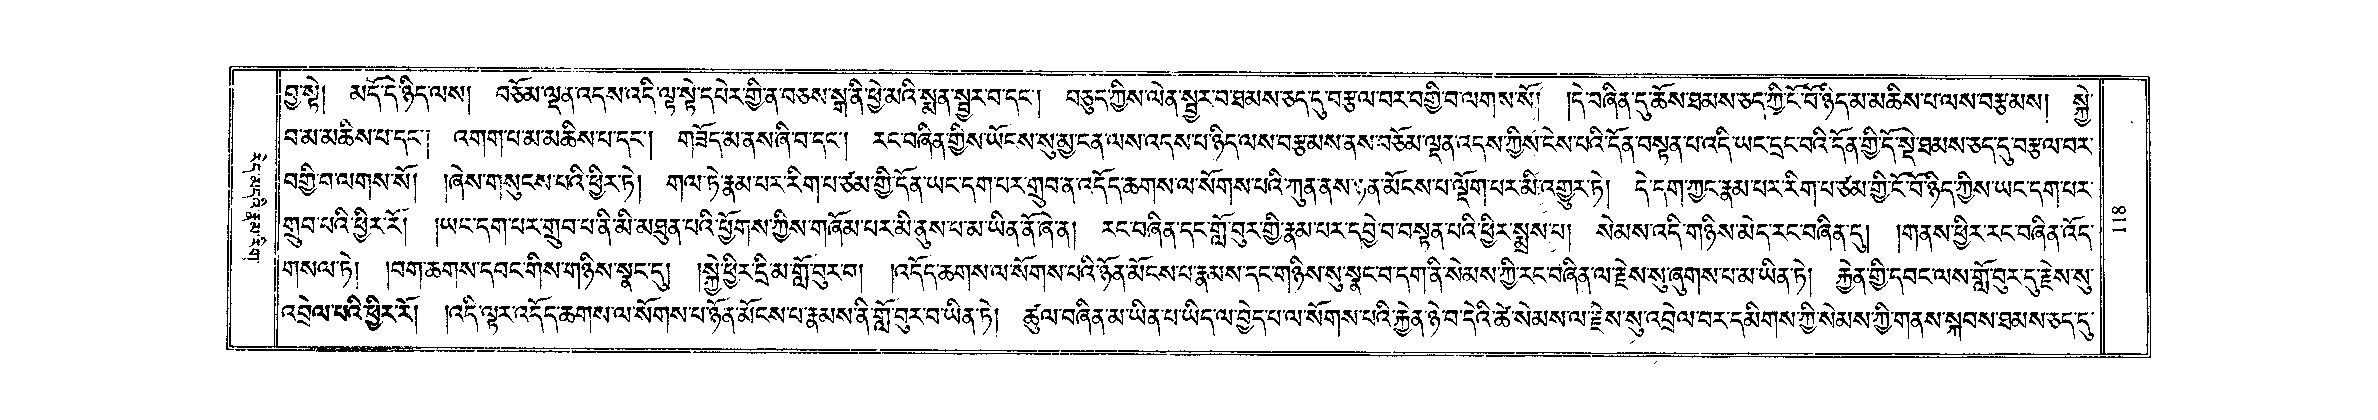བྱ་སྟེ། མདོ་དེ་ཉིད་ལས། བཅོམ་ལྡན་འདས་འདི་ལྟ་སྟེ་དཔེར་གྱི་ན་བཅས་སྒ་ནི་ཕྱེ་མའི་སྨན་སྦྱར་བ་དང་། བཅུད་ཀྱིས་ལེན་སྦྱར་བ་ཐམས་ཅད་དུ་བརྩལ་བར་བགྱི་བ་ལགས་སོ། །དེ་བཞིན་དུ་ཆོས་ཐམས་ཅད་ཀྱི་ངོ་བོ་ཉིད་མ་མཆིས་པ་ལས་བརྩམས། སྐྱེ་
བ་མ་མཆིས་པ་དང་། འགག་པ་མ་མཆིས་པ་དང་། གཟོད་མ་ནས་ཞི་བ་དང་། རང་བཞིན་གྱིས་ཡོངས་སུ་མྱ་ངན་ལས་འདས་པ་ཉིད་ལས་བརྩམས་ནས་བཅོམ་ལྡན་འདས་ཀྱིས་ངེས་པའི་དོན་བསྟན་པ་འདི་ཡང་དྲང་བའི་དོན་གྱི་དོ་སྡེ་ཐམས་ཅད་དུ་བརྩལ་བར་
བགྱི་བ་ལགས་སོ། །ཞེས་གསུངས་པའི་ཕྱིར་ཏེ། གལ་ཏེ་རྣམ་པར་རིག་པ་ཙམ་གྱི་དོན་ཡང་དག་པར་གྲུབ་ན་འདོད་ཆགས་ལ་སོགས་པའི་ཀུན་ནས་ཉན་མོངས་པ་ལྡོག་པར་མི་འགྱུར་ཏེ། དེ་དག་ཀྱང་རྣམ་པར་རིག་པ་ཙམ་གྱི་ངོ་བོ་ཉིད་ཀྱིས་ཡང་དག་པར་
གྲུབ་པའི་ཕྱིར་རོ། །ཡང་དག་པར་གྲུབ་པ་ནི་མི་མཐུན་པའི་ཕྱོགས་ཀྱིས་གཞོམ་པར་མི་ནུས་པ་མ་ཡིན་ནོ་ཞེ་ན། རང་བཞིན་དང་གློ་བུར་གྱི་རྣམ་པར་དབྱེ་བ་བསྟན་པའི་ཕྱིར་སྨྲས་པ། སེམས་འདི་གཉིས་མེད་རང་བཞིན་དུ། །གནས་ཕྱིར་རང་བཞིན་འོད་
གསལ་ཏེ། །བག་ཆགས་དབང་གིས་གཉིས་སྣང་དུ། །སྐྱེ་ཕྱིར་དྲི་མ་གློ་བུར་བ། །འདོད་ཆགས་ལ་སོགས་པའི་ཉོན་མོངས་པ་རྣམས་དང་གཉིས་སུ་སྣང་བ་དག་ནི་སེམས་ཀྱི་རང་བཞིན་ལ་རྗེས་སུ་ཞུགས་པ་མ་ཡིན་ཏེ། རྐྱེན་གྱི་དབང་ལས་གློ་བུར་དུ་རྗེས་སུ་
འབྲེལ་བའི་ཕྱིར་རོ། །འདི་ལྟར་འདོད་ཆགས་ལ་སོགས་པ་ཉོན་མོངས་པ་རྣམས་ནི་གློ་བུར་བ་ཡིན་ཏེ། ཚུལ་བཞིན་མ་ཡིན་པ་ཡིད་ལ་བྱེད་པ་ལ་སོགས་པའི་རྐྱེན་ཉེ་བ་དེའི་ཚེ་སེམས་ལ་རྗེས་སུ་འབྲེལ་བར་དམིགས་ཀྱི་སེམས་ཀྱི་གནས་སྐབས་ཐམས་ཅད་དུ་